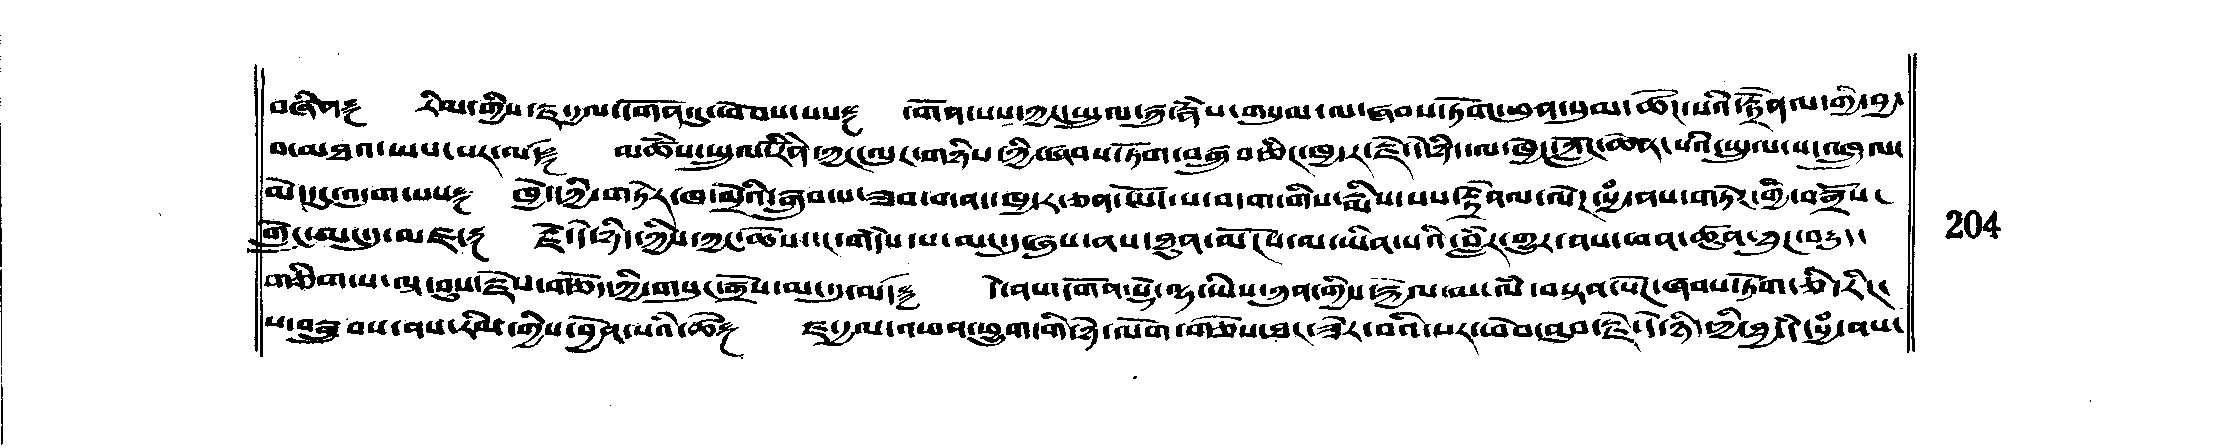བཞིན། རིམ་གྱིས་རྫ་རྒྱལ་དགོན་དུ་ཕེབས་པས། དགོན་པས་ཀྱང་སྤྲུལ་སྐུ་རྣམས་གསུམ་ལ་ཞབས་ཏོག་ཕུན་སུམ་ཚོགས་པའི་རྟེན་འབྲེལ་གྱི་བྱ་
བ་མཐའ་ཡས་པར་མཛད། མཚམས་སྤྲུལ་རིན་པོ་ཆེ་ཀྱང་ལུགས་གཉིས་ཀྱི་ཞབས་ཏོག་བསྒྲུབ་ཅིང་ཁྱད་པར་ཀློང་ཆེན་པའི་སྤྲུལ་པ་འཁྲུལ་
མེད་དུ་འདུག་པས།ཁྱེད་ཀྱི་གཏེར་ཁ་མཁའ་འགྲོའི་སྒྲུབ་པ་ཟབ་གནད་ཁྱད་པར་ཅན་ཡོད་པ་བདག་གིས་རྨིས་པས་རྟེན་འབྲེལ་ལེགས་གསུང་ནས་གཏེར་གྱི་བསྒྲོ་
གླེང་མང་དུ་མཛད། རྗེ་དེ་ཉིད་ཀྱིས་ཀྱང་ཆོས་དང་གདམས་པ་མང་དུ་ཞུས་ནས་ཐུན་མོངས་མ་ཡིན་པའི་བླ་མར་གྱུར་ནས་ཕན་ཚུན་ཐུགས་རྒྱུད་
གཅིག་པ་ལྟ་བུས་རྗེས་གཅོད་ཀྱི་གསུང་སྒྲོས་མང་དུ་མཛད། དེ་ནས་དགོན་སྡེ་ལྷ་མིས་ཀུན་གྱིས་སྐྱེལ་མ་ལམ་བསྟན་སོགས་ཞབས་ཏོག་ཅི་རིགས་
པ་བསྒྲུབས་ནས་རིམ་གྱིས་བྱོན་པའི་ཚེ། རྫ་རྒྱལ་འཕན་ཕྱུག་གི་ཉེ་ལོག་གཅོས་ཐང་ཟེར་བའི་སར་ཕེབས་ནུབ་རྗེ་དེ་ཉིད་ཀྱི་ཐུགས་དམ་གསུངས་ནས་